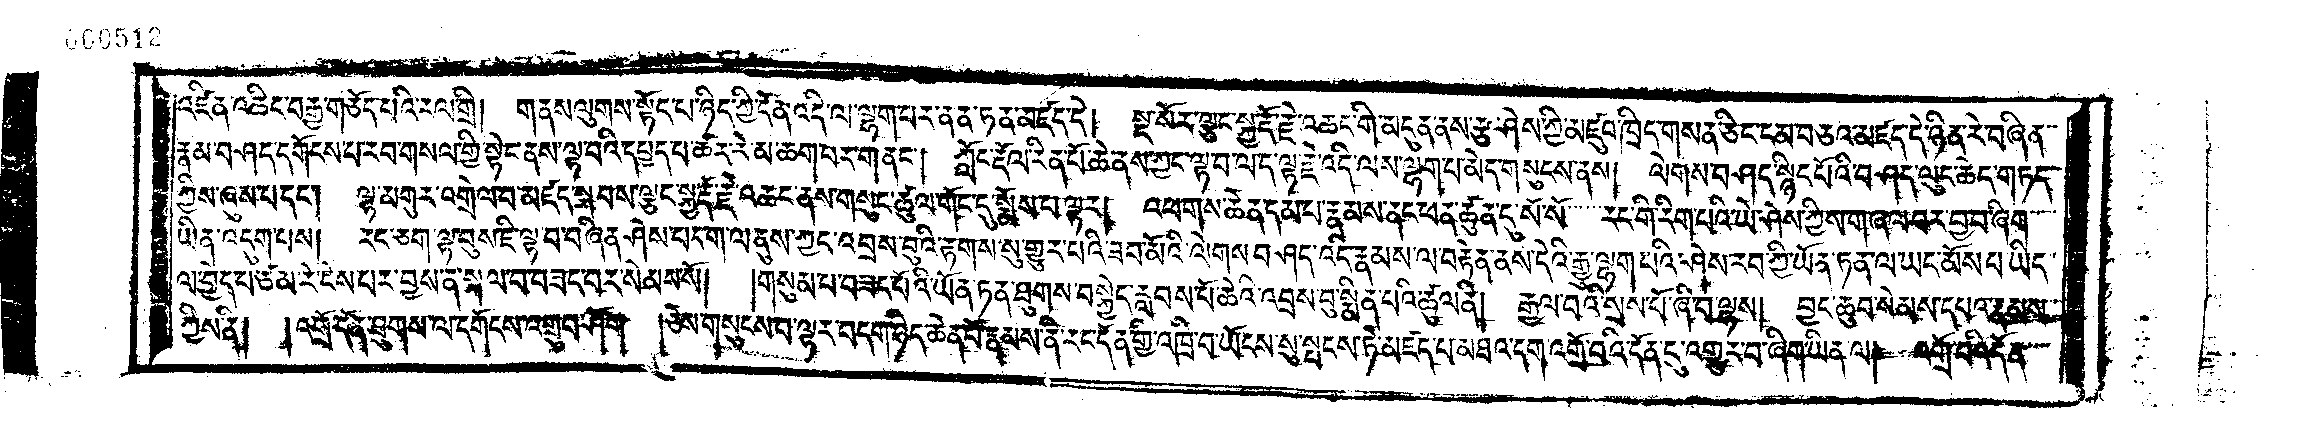འཛིན་འཆིང་བརྒྱ་གཅོད་པའི་རལ་གྲི། གནས་ལུགས་སྟོང་པ་ཉིད་ཀྱི་དོན་འདི་ལ་ལྷག་པར་ནན་ཏན་མཛད་དེ། སྔ་སོར་ལྕང་སྐྱ་རྡོ་རྗེ་འཆང་གི་མདུན་ནས་རྩ་ཤེས་ཀྱི་མཛུབ་ཁྲིད་གསན་ཅིང་དམ་བཅའ་མཛད་དེ་ཉིན་རེ་བཞིན་
རྣམ་བཤད་དགོངས་པ་རབ་གསལ་གྱི་སྟེང་ནས་ལྟ་བའི་དཔྱད་པ་ཚར་རེ་མ་ཆག་པར་གནང་། ཀློང་རྡོལ་རིན་པོ་ཆེ་ནས་ཀྱང་ལྟ་བ་ལ་ད་ལྟ་རྗེ་འདི་ལས་ལྷག་པ་མེད་གསུངས་ནས། ལེགས་བཤད་སྙིང་པོའི་བཤད་ལུང་ཆེད་གཏད་
ཀྱིས་ཞུས་པ་དང་། ལྟ་མགུར་འགྲེལ་པ་མཛད་སྐབས་ལྕང་སྐྱ་རྡོ་རྗེ་འཆང་ནས་གསུང་ཚུལ་གོང་དུ་སྨོས་པ་ལྟར། འཕགས་ཆེན་དམ་པ་རྣམས་ནང་ཕན་ཚུན་དུ་སོ་སོ་རང་གི་རིག་པའི་ཡེ་ཤེས་ཀྱིས་གཞལ་བར་བྱ་བ་ཞིག་
ཡིན་འདུག་པས། རང་ཅག་ལྟ་བུས་ཇི་ལྟ་བ་བཞིན་ཤེས་པར་ག་ལ་ནུས་ཀྱང་འབྲས་བུའི་རྟགས་སུ་གྱུར་པའི་ཟབ་མོའི་ལེགས་བཤད་འདི་རྣམས་ལ་བརྟེན་ནས་དེའི་རྒྱུ་ལྷག་པའི་ཤེས་རབ་ཀྱི་ཡོན་ཏན་ལ་ཡང་མོས་པ་ཡིད་
ལ་བྱེད་པ་ཙམ་རེ་ངེས་པར་བྱས་ན་སྐལ་བ་བཟང་བར་སེམས་སོ། །གསུམ་པ་བཟང་པོའི་ཡོན་ཏན་ཐུགས་བསྐྱེད་རླབས་པོ་ཆེའི་འབྲས་བུ་སྨིན་པའི་ཚུལ་ནི། རྒྱལ་བའི་སྲས་པོ་ཞི་བ་ལྷས། བྱང་ཆུབ་སེམས་དཔའ་རྣམས་
ཀྱིས་ནི། །འགྲོ་དོན་ཐུགས་ལ་དགོངས་འགྲུབ་ཤོག །ཅེས་གསུངས་པ་ལྟར་བདག་ཉིད་ཆེན་པོ་རྣམས་ནི་རང་དོན་གྱི་འཁྲི་བ་ཡོངས་སུ་སྤངས་ཏེ་མཛད་པ་མཐའ་དག་འགྲོ་བའི་དོན་དུ་འགྱུར་བ་ཞིག་ཡིན་ལ། འགྲོ་བའི་དོན་